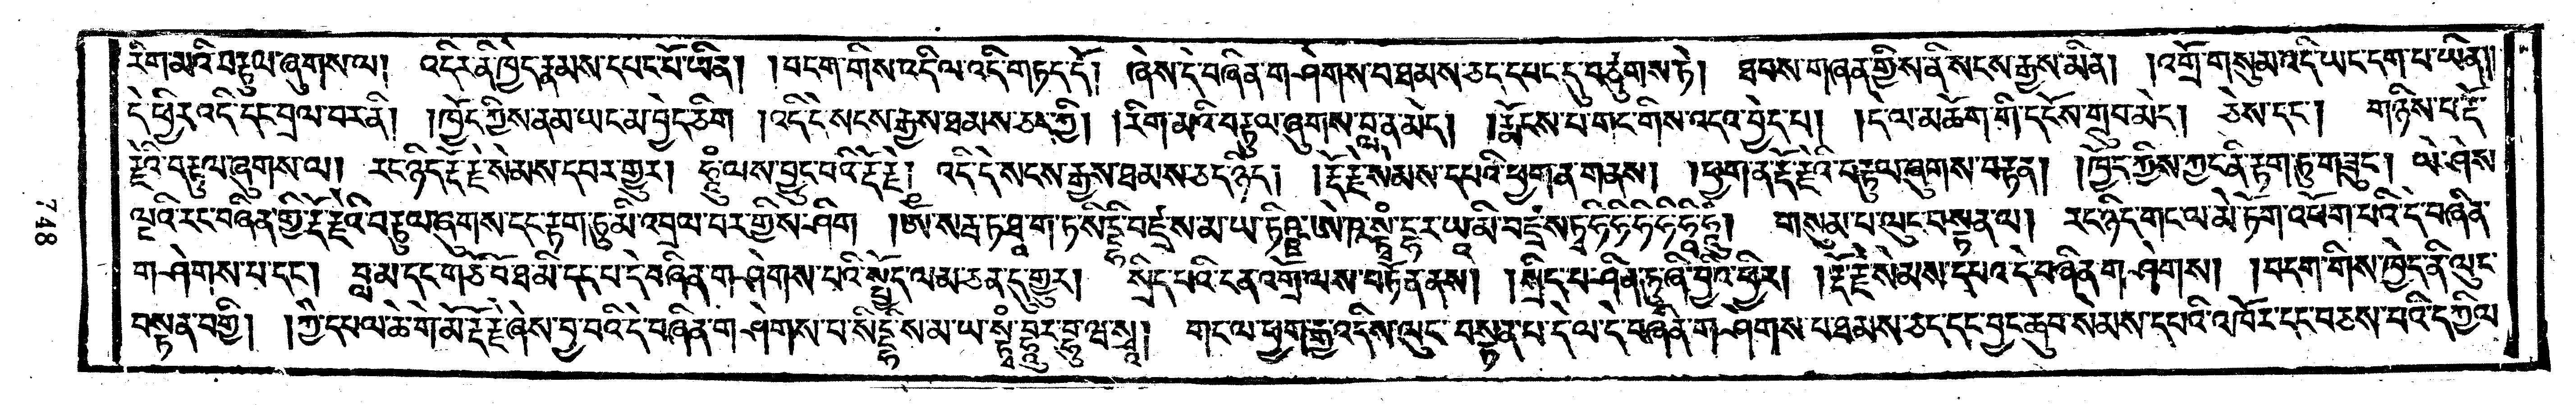རིག་མའི་བརྟུལ་ཞུགས་ལ། འདིར་ནི་ཁྱེད་རྣམས་དབང་པོ་ཡིན། །བདག་གིས་འདི་ལ་འདི་གཏད་དོ། །ཞེས་དེ་བཞིན་གཤེགས་པ་ཐམས་ཅད་དབང་དུ་བཙུགས་ཏེ། ཐབས་གཞན་གྱིས་ནི་སངས་རྒྱས་མིན། །འགྲོ་གསུམ་འདི་ཡང་དག་པ་ཡིན།།
དེ་ཕྱིར་འདི་དང་བྲལ་བར་ནི། །ཁྱོད་ཀྱིས་ནམ་ཡང་མ་བྱེད་ཅིག །འདི་དེ་སངས་རྒྱས་ཐམས་ཅད་ཀྱི། །རིག་མའི་བརྟུལ་ཞུགས་བླ་ན་མེད། །རྨོངས་པ་གང་གིས་འདའ་བྱེད་པ། །དེ་ལ་མཆོག་གི་དངོས་གྲུབ་མེད། ཅེས་དང་། གཉིས་པ་རྡོ་
རྗེའི་བརྟུལ་ཞུགས་ལ། རང་ཉིད་རྡོ་རྗེ་སེམས་དཔར་གྱུར། ཧཱུཾ་ལས་བྱུང་བའི་རྡོ་རྗེ། འདི་དེ་སངས་རྒྱས་ཐམས་ཅད་ཉིད། །རྡོ་རྗེ་སེམས་དཔའི་ཕྱག་ན་གནས། །ཕྱག་ན་རྡོ་རྗེའི་བརྟུལ་ཞུགས་བརྟན། །ཁྱོད་ཀྱིས་ཀྱང་ནི་རྟག་ཏུ་གཟུང་། ཡེ་ཤེས་
ལྔའི་རང་བཞིན་གྱི་རྡོ་རྗེའི་བརྟུལ་ཞུགས་དང་རྟག་ཏུ་མི་འབྲལ་བར་གྱིས་ཤིག །ཨོཾ་སརྦ་ཏ་ཐཱ་ག་ཏ་སིདྡྷི་བཛྲ་ས་མ་ཡ་ཏིཥཊཿཨ་ཨེ་ཥ་སྟྭཾ་དྷ་ར་ཡཱ་མི་བཛྲ་སཏྭ་ཧི་ཧི་ཧི་ཧི་ཧཱི་ཧཱུཾ། གསུམ་པ་ལུང་བསྟན་ལ། རང་ཉིད་གང་ལ་མེ་ཏོག་འཕོག་པའི་དེ་བཞིན་
གཤེགས་པ་དང་། བླ་མ་དང་གཙོ་བོ་ཐ་མི་དད་པ་དེ་བཞིན་གཤེགས་པའི་སྤྱོད་ལམ་ཅན་དུ་གྱུར། སྲིད་པའི་ངན་འགྲོ་ལས་བཏོན་ནས། །སྲིད་པ་ཤིན་ཏུ་ཞི་བྱའི་ཕྱིར། །རྡོ་རྗེ་སེམས་དཔའ་དེ་བཞིན་གཤེགས། བདག་གིས་ཁྱེད་ནི་ལུང་
བསྟན་བགྱི། །ཀྱཻ་དཔལ་ཆེ་གེ་མོ་རྡོ་རྗེ་ཞེས་བྱ་བའི་དེ་བཞིན་གཤེགས་པ་སིདྡྷི་ས་མ་ཡ་སྟྭཾ་བྷཱུར་བྷུ་ཝ་སྭཱ། གང་ལ་ཕྱག་རྒྱ་འདིས་ལུང་བསྟན་པ་དེ་ལ་དེ་བཞིན་གཤེགས་པ་ཐམས་ཅད་དང་བྱང་ཆུབ་སེམས་དཔའི་འཁོར་དང་བཅས་པའི་དཀྱིལ་